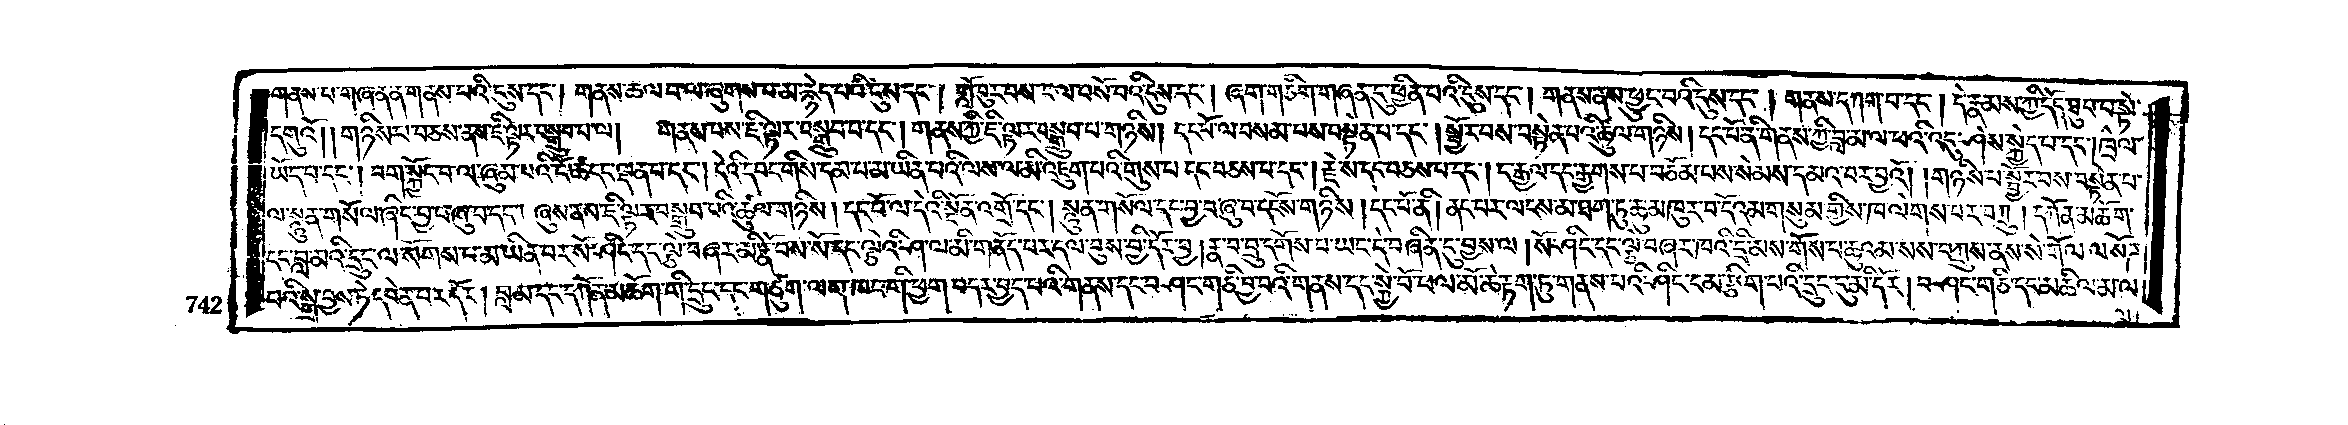གནས་པ་གཞན་ན་གནས་པའི་དུས་དང་། གནས་ཚལ་བ་ལ་ཞུགས་པ་མ་རྙེད་པའི་དུས་དང་། གློ་བུར་བས་ངལ་བསོ་བའི་དུས་དང་། ཞག་གཅིག་གཞན་དུ་ཕྱིན་པའི་དུས་དང་། གནས་ནས་ཕྱུང་བའི་དུས་དང་། གནས་དཀག་པ་དང་། དེ་རྣམས་ཀྱི་དོད་ཐུབ་པ་སྟེ་
དགུའོ། །གཉིས་པ་བཅས་ནས་ཇི་ལྟར་བསྒྲུབ་པ་ལ། གནས་པས་ཇི་ལྟར་བསྒྲུབ་པ་དང་། གནས་ཀྱི་ཇི་ལྟར་བསྒྲུབ་པ་གཉིས། དང་པོ་ལ་བསམ་པས་བསྟེན་པ་དང་། སྦྱོར་བས་བསྟེན་པའི་ཚུལ་གཉིས། དང་པོ་ནི་གནས་ཀྱི་བླ་མ་ལ་ཕའི་འདུ་ཤེས་སྐྱེད་པ་དང་། ཁྲེལ་
ཡོད་པ་དང་། བག་སྐྱོང་བ་ལ་ཞུམ་པའི་ངོ་ཚ་དང་ལྡན་པ་དང་། དེའི་དབང་གིས་དམ་པ་མ་ཡིན་པའི་ལས་ལ་མི་འཇུག་པའི་གུས་པ་དང་བཅས་པ་དང་། རྗེ་ས་དང་བཅས་པ་དང་། ང་རྒྱལ་དང་རྒྱགས་པ་བཅོམ་པས་སེམས་དམའ་བར་བྱའོ། །གཉིས་པ་སྦྱོར་བས་བསྟེན་པ་
ལ་སྙུན་གསོལ་ཞིང་བྱ་བ་ཞུ་བ་དང་། ཞུས་ནས་ཇི་ལྟར་བསྒྲུབ་པའི་ཚུལ་གཉིས། དང་པོ་ལ་དེའི་སྔོན་འགྲོ་དང་། སྙུན་གསོལ་དང་བྱ་བ་ཞུ་བ་དངོས་གཉིས། དང་པོ་ནི། ནང་པར་ལངས་མ་ཐག་ཏུ་ཆུ་མཁུར་བ་དོའམ་གསུམ་གྱིས་ཁ་ལེགས་པར་བཀྲུ། དཀོན་མཆོག་
དང་བླ་མའི་དྲུང་ལ་སོགས་པ་མ་ཡིན་པར་སོ་ཤིང་དང་ལྕེ་བཞར་མི་རྣོ་བས་སོ་དང་ལྕེའི་ཤ་ལ་མི་གནོད་པར་དལ་བུས་བྱི་དོར་བྱ། རྣ་བ་བྲུ་དགོས་པ་ཡང་དེ་བཞིན་དུ་བྱས་ལ། སོ་ཤིང་དང་ལྕེ་བཞར་ཁའི་དྲི་མས་གོས་པ་ཆུའམ་སས་བཀྲུས་ནས་སེ་གོལ་ལ་སོགས་
པའི་སྒྲ་བྱས་ཏེ་དབེན་པར་དོར། བླ་མ་དང་དཀོན་མཆོག་གི་དྲུང་དང་གཙུག་ལག་ཁང་གི་ཕྱག་བདར་བྱད་པའི་གནས་དང་བཤད་གཅི་བྱ་བའི་གནས་དང་སྐྱེ་བོ་ཕལ་མོ་ཆེ་རྟག་ཏུ་གནས་པའི་ཤིང་ངམ་རྩིག་པའི་དྲུང་དུ་མི་དོར། བཤད་གཅི་དང་མཆིལ་མ་ལ་ལ་?